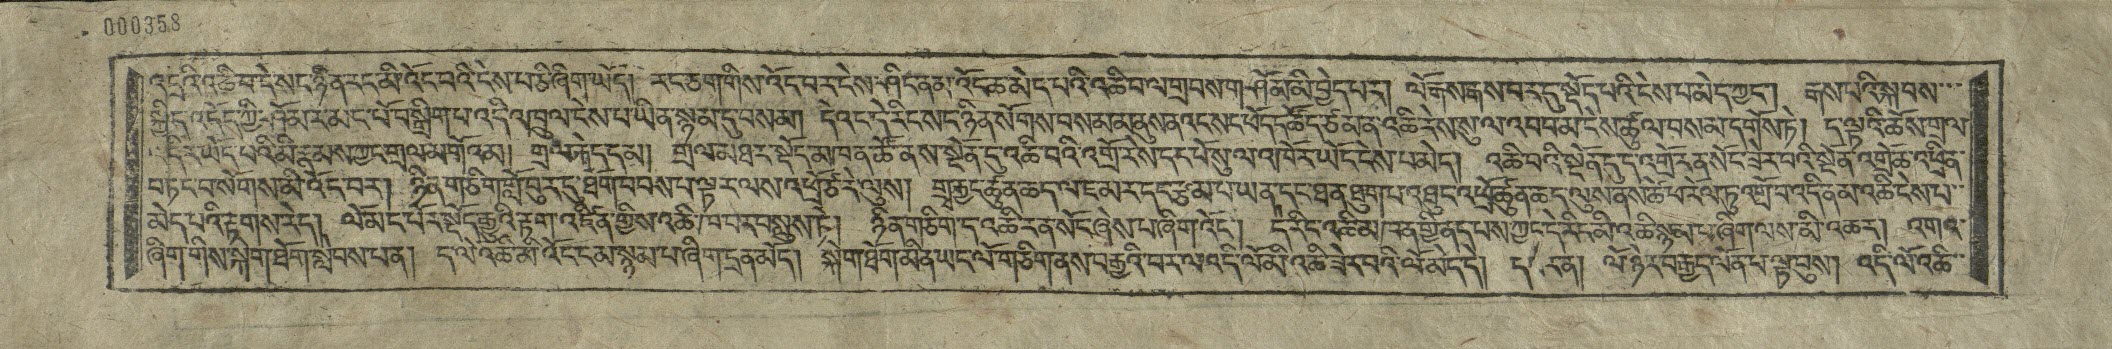འདྲའི་འཆི་བ་དེ་སང་ཉིན་རང་མི་འོང་བའི་ངེས་པ་ཅི་ཞིག་ཡོད། རང་ཅག་གིས་འོང་བར་ངེས་ཤིང་ནམ་འོང་ཆ་མེད་པའི་འཆི་བ་ལ་གྲབས་གཤོམ་མི་བྱེད་པར། ལོ་རྒས་རྒས་བར་དུ་སྡོད་པའི་ངེས་པ་མེད་ཀྱང་། རྒས་པའི་སྐབས་
སྐྱིད་འདོད་ཀྱི་ཤོམ་ར་མང་པོ་བསྒྲིག་པ་འདི་འཁྲུལ་ངེས་པ་ཡིན་སྙམ་དུ་བསམ། དེའང་དེ་རིང་སང་ཉིན་སོགས་བསམ་མ་ནུས་ནའང་སང་ཕོད་ད་ཚོད་ཙམ་ན་འཆི་རེས་སུ་ལ་འབབ་མ་ངེས་ཚུལ་བསམ་དགོས་ཏེ། ད་ལྟའི་ཆོས་གྲལ་
འདིར་ཡོད་པའི་མི་རྣམས་ཀྱང་གྲལ་མགོའམ། གྲལ་རྐེད་དམ། གྲལ་མཐར་སྡོད་མཁན་ཚོ་ནས་སྔོན་དུ་འཆི་བའི་འགྲོ་རེས་དང་པོ་སུ་ལ་འཁོར་ཡོང་ངེས་པ་མེད། འཆི་བའི་སྔོན་དུ་ད་འགྲོར་ན་སོང་ཟེར་བའི་སྔོན་འགྲོ་ཆ་འཕྲིན་
བཏང་བ་སོགས་མི་འོང་བར། ཉིན་གཅིག་གློ་བུར་དུ་ཐོག་བབས་པ་ལྟར་ལས་འཕྲོ་ཙ་རེ་ལུས། གྲྭ་རྐྱང་ཚུན་ཆད་ལ་ཇ་མར་དང་རྩམ་པ་ཡན་དང་ཐ་ན་ཐུག་པ་འཐུང་འཕྲོ་ཚུན་ཆད་ལུས་ནས་ཚེ་ཕ་རོལ་ཏུ་འགྲོ་བ་འདི་ནམ་འཆི་ངེས་པ་
མེད་པའི་རྟགས་རེད། ལོ་མང་པོར་སྡོད་རྒྱུའི་རྟག་འཛིན་གྱིས་འཆི་ཁ་བར་བསླུས་ཏེ། ཉིན་གཅིག་ད་འཆི་རན་སོང་ཞེས་པ་ཞིག་འོང་། དེ་རིང་འཆི་མཁན་གྱི་ནད་པས་ཀྱང་དེ་རིང་མི་འཆི་སྙམ་པ་ཞིག་ལས་མི་འཆར། འགའ་
ཞིག་གིས་སྐེག་ཐོག་སླེབས་པ་ན། ད་ལོ་འཆི་མི་འོང་ངམ་སྙམ་པ་ཞིག་དྲན་མོད། སྐེག་ཐོག་མིན་ཡང་ལོ་གཅིག་ནས་བརྒྱའི་བར་ལ་འདི་ལོ་མི་འཆི་ཟེར་བའི་ལོ་མེད་དེ། དཔེར་ན། ལོ་ཉེར་བརྒྱད་ལོན་པ་ལྟ་བུས། འདི་ལོ་འཆི་